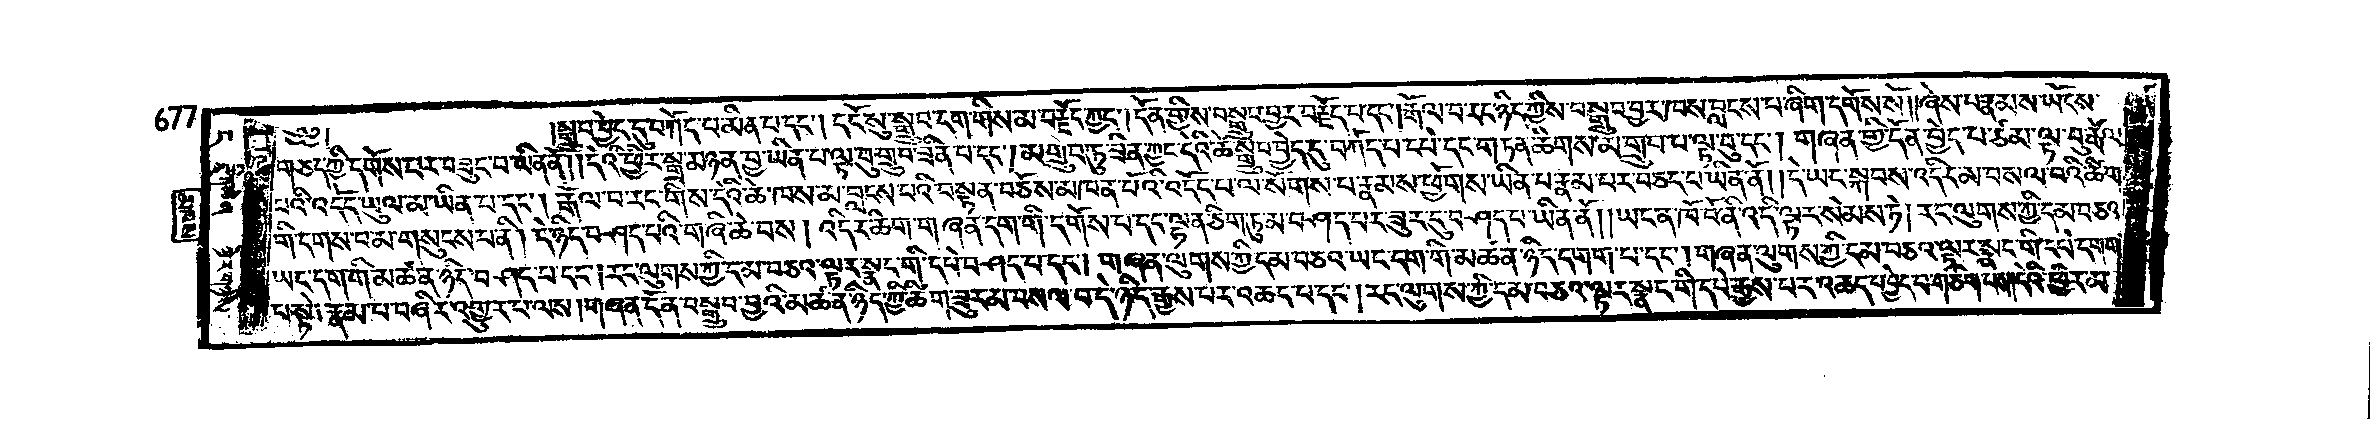༄༅། །སྒྲུབ་བྱེད་དུ་བཀོད་པ་མིན་པ་དང་། དངོས་སུ་སྒྲུབ་ངག་གིས་མ་བརྗོད་ཀྱང་། དོན་གྱིས་བསྒྲུབ་བྱར་བརྗོད་པ་དང་། རྒོལ་བ་རང་ཉིད་ཀྱིས་བསྒྲུབ་བྱར་ཁས་བླངས་པ་ཞིག་དགོས་སོ། །ཞེས་པ་རྣམས་ཡོངས་
གཅད་ཀྱི་དགོས་པར་བཟུང་བ་ཡིན་ནོ། །དེའི་ཕྱིར་སྒྲ་མཉན་བྱ་ཡིན་པ་ལྟ་བུ་གྲུབ་ཟིན་པ་དང་། མ་གྲུབ་ཏུ་ཟིན་ཀྱང་དེའི་ཚེ་སྒྲུབ་བྱེད་དུ་བཀོད་པ་དཔེ་དང་གཏན་ཚིགས་མ་གྲུབ་པ་ལྟ་བུ་དང་། གཞན་གྱི་དོན་བྱེད་པ་ཙམ་ལྟ་བུ་རྒོལ་
བའི་འདོད་ཡུལ་མ་ཡིན་པ་དང་། རྒོལ་བ་རང་གིས་དེའི་ཚེ་ཁས་མ་བླངས་པའི་བསྟན་བཅོས་མཁན་པོའི་འདོད་པ་ལ་སོགས་པ་རྣམས་ཕྱོགས་ཡིན་པ་རྣམ་པར་བཅད་པ་ཡིན་ནོ། །དེ་ཡང་སྐབས་འདིར་མ་བསལ་བའི་ཚིག་
གི་དགོས་པ་མ་གསུངས་པ་ནི། དེ་ཉིད་བཤད་པའི་གཞི་ཆེ་བས། འདིར་ཚིག་གཞན་དག་གི་དགོས་པ་དང་ལྷན་ཅིག་ཏུ་མ་བཤད་པར་ཟུར་དུ་བཤད་པ་ཡིན་ནོ། །ཡང་ན་ཁོ་བོ་ནི་འདི་ལྟར་སེམས་ཏེ། རང་ལུགས་ཀྱི་དམ་བཅའ་
ཡང་དག་གི་མཚན་ཉིད་བཤད་པ་དང་། རང་ལུགས་ཀྱི་དམ་བཅའ་ལྟར་སྣང་གི་དཔེ་བཤད་པ་དང་། གཞན་ལུགས་ཀྱི་དམ་བཅའ་ཡང་དག་གི་མཚན་ཉིད་དགག་པ་དང་། གཞན་ལུགས་ཀྱི་དམ་བཅའ་ལྟར་སྣང་གི་དཔེ་དགག་
པ་སྟེ། རྣམ་པ་བཞིར་འགྱུར་བ་ལས། གཞན་དོན་བསྒྲུབ་བྱའི་མཚན་ཉིད་ཀྱི་ཚིག་ཟུར་མ་བསལ་བ་དེ་ཉིད་རྒྱས་པར་འཆད་པ་དང་། རང་ལུགས་ཀྱི་དམ་བཅའ་ལྟར་སྣང་གི་དཔེ་རྒྱས་པར་འཆད་པ་བྱེད་པ་གཅིག་པས། དེའི་ཕྱི་མ་